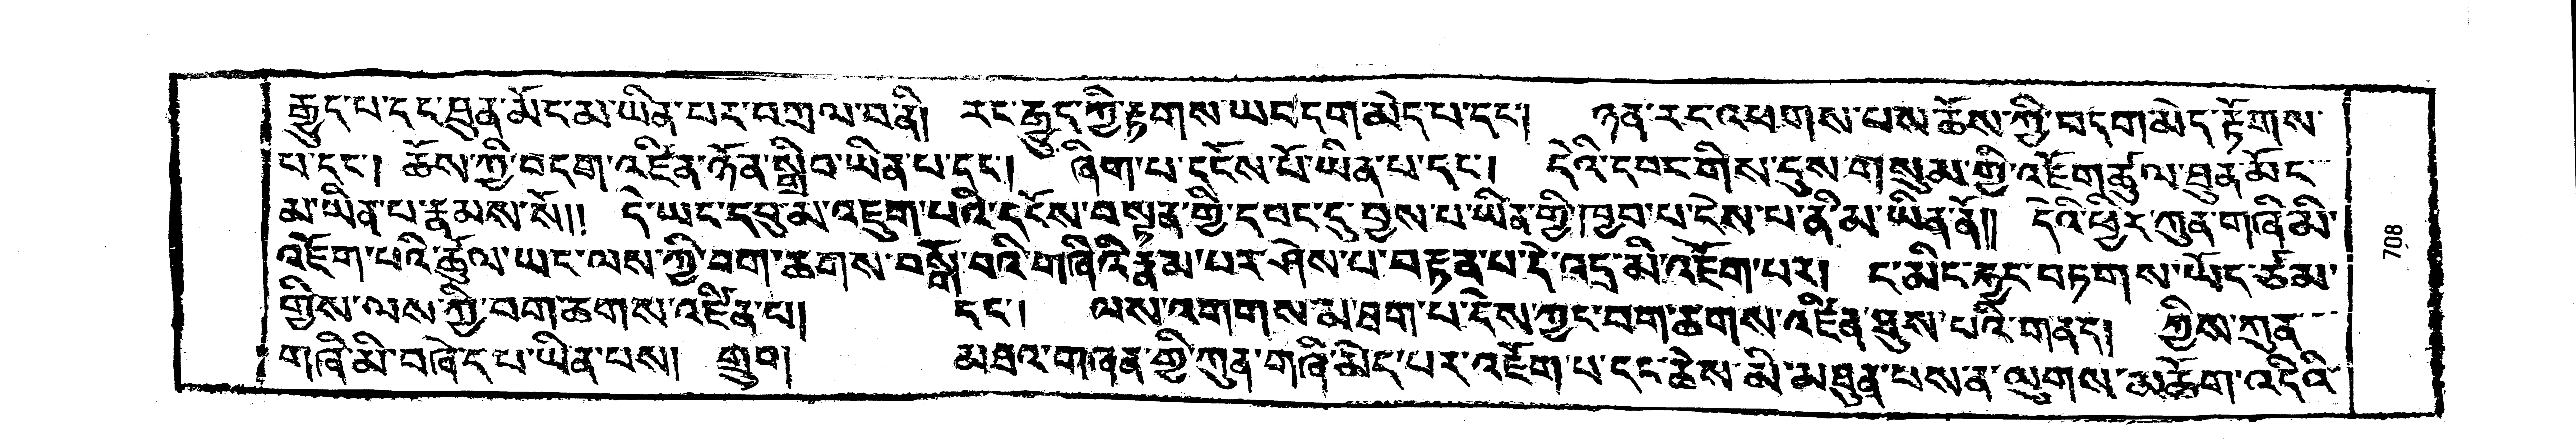རྒྱུད་པ་དང་ཐུན་མོང་མ་ཡིན་པར་བཀྲལ་བ་ནི། རང་རྒྱུད་ཀྱི་རྟགས་ཡང་དག་མེད་པ་དང་། ཉན་རང་འཕགས་པས་ཆོས་ཀྱི་བདག་མེད་རྟོགས་
པ་དང་། ཆོས་ཀྱི་བདག་འཛིན་ཉོན་སྒྲིབ་ཡིན་པ་དང་། ཞིག་པ་དངོས་པོ་ཡིན་པ་དང་། དེའི་དབང་གིས་དུས་གསུམ་གྱི་འཇོག་ཚུལ་ཐུན་མོང་
མ་ཡིན་པ་རྣམས་སོ། །དེ་ཡང་དབུ་མ་འཇུག་པའི་དངོས་བསྟན་གྱི་དབང་དུ་བྱས་པ་ཡིན་གྱི་ཁྱབ་པ་ངེས་པ་ནི་མ་ཡིན་ནོ། །དེའི་ཕྱིར་ཀུན་གཞི་མི་
འཇོག་པའི་ཚུལ་ཡང་ལས་ཀྱི་བག་ཆགས་བསྒོ་བའི་གཞིའི་རྣམ་པར་ཤེས་པ་བརྟན་པ་དེ་འདྲ་མི་འཇོག་པར། ང་མིང་རྐྱང་བཏགས་ཡོད་ཙམ་
གྱིས་ལས་ཀྱི་བག་ཆགས་འཛིན་པ་དང་། ལས་འགགས་མ་ཐག་པ་དེས་ཀྱང་བག་ཆགས་འཛིན་ཐུས་པའི་གནད། ཀྱིས་ཀུན་
གཞི་མི་བཞེད་པ་ཡིན་པས། གྲུབ། མཐའ་གཞན་གྱི་ཀུན་གཞི་མེད་པར་འཇོག་པ་དང་ཆེས་མི་མཐུན་པས་ན་ལུགས་མཆོག་འདིའི་